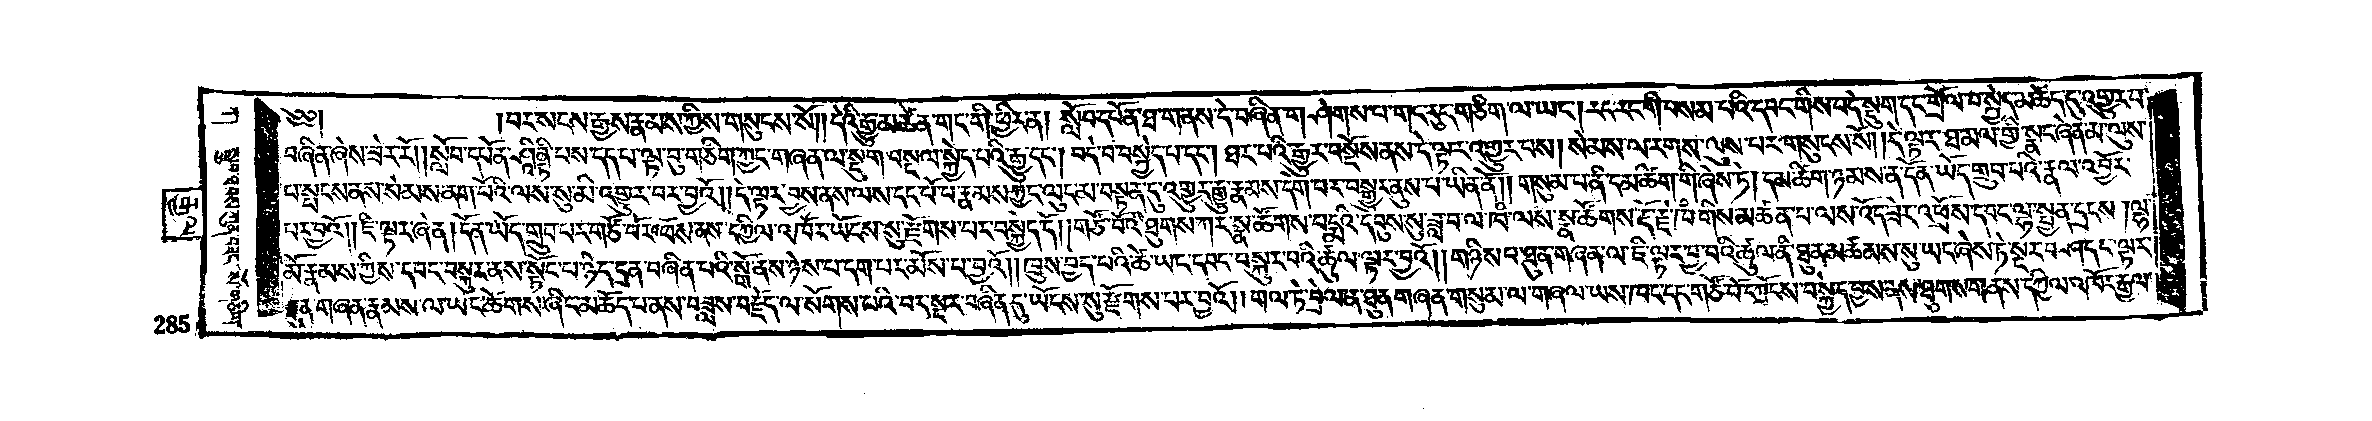༄༅། །བར་སངས་རྒྱས་རྣམས་ཀྱིས་གསུངས་སོ། །དེའི་རྒྱུ་མཚེན་གང་གི་ཕྱིར་ན། སློབ་དཔོན་ཐ་ག་ནས་དེ་བཞིན་གཤེགས་པ་གང་རུང་གཅིག་ལ་ཡང་། རང་རང་གི་བསམ་པའི་དབང་གིས་བདེ་སྡུག་དང་གྲོལ་བ་སྐྱེད་མཆོད་དུ་འགྱུར་བ་
བཞིན་ཞེས་ཟེར་རོ། །སློབ་དཔོན་ཤཱནཏེ་པས་དད་པ་ལྟ་བུ་གཅིག་ཀྱང་གཞན་ལ་སྡུག་བསྔལ་སྐྱེད་པའི་རྒྱུ་དང་། བདེ་བ་བསྐྱེད་པ་དང་། ཐར་པའི་རྒྱུར་བསྔོས་ནས་དེ་ལྟར་འགྱུར་བས། སེམས་ལ་རགས་ལུས་པར་གསུངས་སོ། །དེ་ལྟར་ཐ་མལ་གྱི་སྣང་ཞེན་མ་ལུས་
པ་སྤངས་ནས་སེམས་ནག་པོའི་ལས་སུ་མི་འགྱུར་བར་བྱའོ། །དེ་ལྟར་བྱས་ནས་ལས་དང་པོ་པ་རྣམས་ཀྱང་ལུང་མ་བསྟན་དུ་འགྱུར་རྒྱུ་རྣམས་དགེ་བར་བསྒྱུར་ནུས་པ་ཡིན་ནོ། །གསུམ་པ་ནི་དམ་ཚིག་གི་ཞེས་ཏེ། དམ་ཚིག་ཉམས་ན་དོན་ཡོད་གྲུབ་པའི་རྣལ་འབྱོར་
པར་བྱའོ། །ཇི་ལྟར་ཞེ་ན། དོན་ཡོད་གྲུབ་པར་གཙོ་བོར་འཕོས་ནས་དཀྱིལ་འཁོར་ཡོངས་སུ་རྫོགས་པར་བསྐྱེད་དོ། །གཙོ་བོའི་ཐུགས་ཀར་སྣ་ཚོགས་པདམའི་དབུས་སུ་ཟླ་བ་ལ་ཁཾ་ལས་སྣ་ཚོགས་རྡོ་རྗེ་ཁཾ་གིས་མཚན་པ་ལས་འོད་ཟེར་འཕྲོས་དབང་ལྷ་སྤྱན་དྲངས། ལྷ་
མོ་རྣམས་ཀྱིས་དབང་བསྐུར་ནས་སྟོང་པ་ཉིད་དྲན་བཞིན་པའི་སྒོ་ནས་ཉེས་པ་དག་པར་མོས་པ་བྱའོ། །ཁྲུས་བྱེད་པའི་ཚེ་ཡང་དབང་བསྐུར་བའི་ཚུལ་ལྟར་བྱའོ། །གཉིས་པ་ཐུན་གཞན་ལ་ཇི་ལྟར་བྱ་བའི་ཚུལ་ནི་ཐུན་མཚམས་སུ་ཡང་ཞེས་ཏེ་སྔར་བཤད་པ་ལྟར་
ཐུན་གཞན་རྣམས་ལ་ཡང་ཚེགས་ཞིང་མཆོད་པ་ནས་བཟླས་བརྗོད་ལ་སོགས་པའི་བར་སྔར་བཞིན་དུ་ཡོངས་སུ་རྫོགས་པར་བྱའོ། །གལ་ཏེ་བྲེལ་ན་ཐུན་གཞན་གསུམ་ལ་གཞལ་ཡས་ཁང་དང་གཙོ་བོ་དཀྲོངས་བསྐྱེད་བྱས་ནས་ཐུགས་གནས་དཀྱིལ་འཁོར་རྒྱལ་